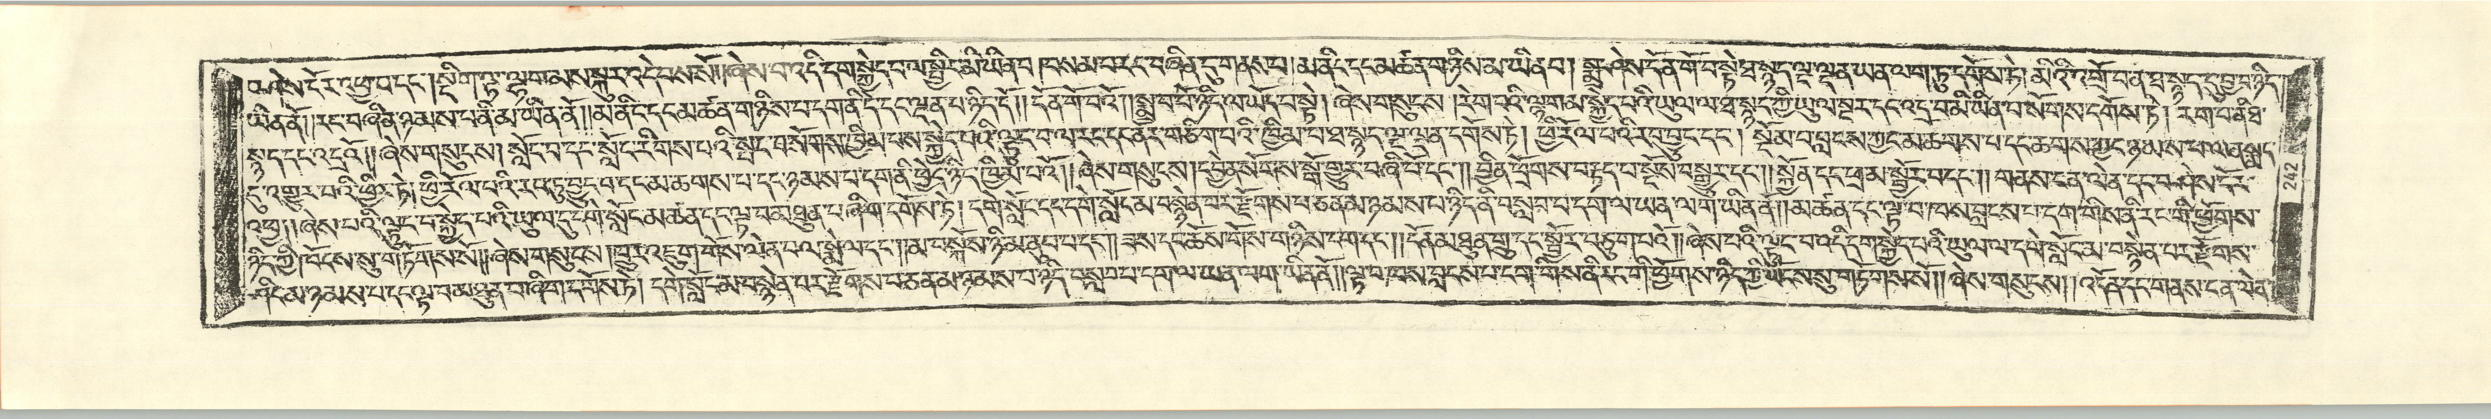བཤེས་ངོར་འཕྱ་བ་དང་། སྡིག་ལྟ་ལྷག་མས་སྐུར་འདེབས་སོ། །ཞེས་བ་འདི་དག་སྐྱེད་པ་ལ་སྤྱིར་མི་ཡིན་བ། བསམ་པ་རང་བཞིན་དུ་གནས་པ། མ་ནིང་དང་མཚན་གཉིས་མ་ཡིན་བ། སྨྲ་ཤེས་དོན་གོ་བ་སྟེ་ཐ་སྙད་ལྔ་ལྡན་ཡན་ལག་ཏུ་དགོས་ཏེ། མིའི་འགྲོ་བ་ན་ཐ་སྙད་དུ་བྱ་བ་ཉིད་
ཡིན་ནོ། །རང་བཞིན་ཉམས་པ་ནི་མ་ཡིན་ནོ། །མ་ནིང་དང་མཚན་གཉིས་པ་དག་ནི་དེ་དང་ལྡན་པ་ཉིད་དོ། །དོན་གོ་བའོ། །སྨྲ་བ་པོ་ཉིད་ལ་ཡོད་པ་སྟེ། ཞེས་གསུངས། རེག་བའི་ལྷག་མ་སྐྱེད་པའི་ཡུལ་ལ་ཐ་སྙད་ཀྱི་ཡུལ་སྔར་དང་འདྲ་བ་མི་ཡིན་པ་སོགས་དགོས་ཏེ། རག་པ་ནི་ཐ་
སྙད་དང་འདྲའོ། །ཞེས་གསུངས། སློང་བ་དང་སློང་རིགས་པའི་སྤང་བ་སོགས་ཁྱིམ་པས་སྐྱེད་པའི་ལྟུང་བ་ལ་རང་དང་ནོར་གཅིག་པའི་ཁྱིམ་པ་ཐ་སྙད་ལྔ་ལྡན་དགོས་ཏེ། ཕྱི་རོལ་པའི་རབ་བྱུང་དང་། སྡོམ་པ་བླངས་ཀྱང་མ་ཆགས་པ་དང་ཆགས་ཀྱང་ཉམས་པ་ལན་སྨད་
དུ་འགྱུར་བའི་ཕྱིར་ཏེ། ཕྱི་རོལ་པའི་རབ་ཏུ་བྱུང་བ་དང་མ་ཆགས་པ་དང་ཉམས་པ་དག་ནི་ཕྱེད་ཉིད་ཁྱིམ་པའོ། །ཞེས་གསུངས། དབྱེན་སོགས་སྒོ་གྱུར་བཞི་པོ་དང་། །བྱིན་ཕྲོགས་བརྟད་པ་སྔོས་བསྒྱུར་དང་། །སྐྱོན་དང་ཕྲ་མ་སྦྱོར་བ་དང་། །གནས་ངན་ལེན་དང་བཤེས་ངོར་
འཕྱ། །ཞེས་པའི་ལྟུང་བ་སྐྱེད་པའི་ཡུལ་དུ་དགེ་སློང་མཚན་དང་ལྟ་བ་མཐུན་པ་ཞིག་དགོས་ཏེ། དགེ་སློང་དང་དགེ་སློང་མ་བསྙེན་པར་རྫོགས་པ་ཅན་མ་ཉམས་པ་ཉིད་ནི་བསླབ་པ་དག་ལ་ཡན་ལག་ཡིན་ནོ། །མཚན་དང་ལྟ་བ་ཁས་བླངས་པ་དག་གིས་ནི་རང་གི་ཕྱོགས་
ཉིད་ཀྱི་ཁོངས་སུ་གཏོགས་སོ། །ཞེས་གསུངས། ཁྲུར་འཇུག་གོས་ལེན་བལ་སྨེལ་དང་། །མ་བསྐོས་ཉི་མ་ནུབ་པ་དང་། །ཟས་དང་ཆོས་གོས་གཉིས་དག་དང་། །དོན་མཐུན་གྲུ་དང་སྦྱོར་བཅུག་པའོ། །ཞེས་པའི་ལྟུང་བ་འདི་དག་སྐྱེད་པའི་ཡུལ་ལ་དགེ་སློང་མ་བསྙེན་པར་རྫོགས་
ཤིང་མ་ཉམས་པ་དང་ལྟ་བ་མཐུན་བ་ཞིག་དགོས་ཏེ། དགེ་སློང་མ་བསྙེན་པར་རྫོགས་བ་ཅན་མ་ཉམས་པ་ཉིད་བསླབ་པ་དག་ལ་ཡན་ལག་ཡིན་ནོ། །ལྟ་བ་ཁས་བླངས་པ་དག་གིས་ནི་རང་གི་ཕྱོགས་ཉིད་ཀྱི་ཡོངས་སུ་གཏོགས་སོ། །ཞེས་གསུངས། །འདོན་དང་གནས་ངན་ལེན་